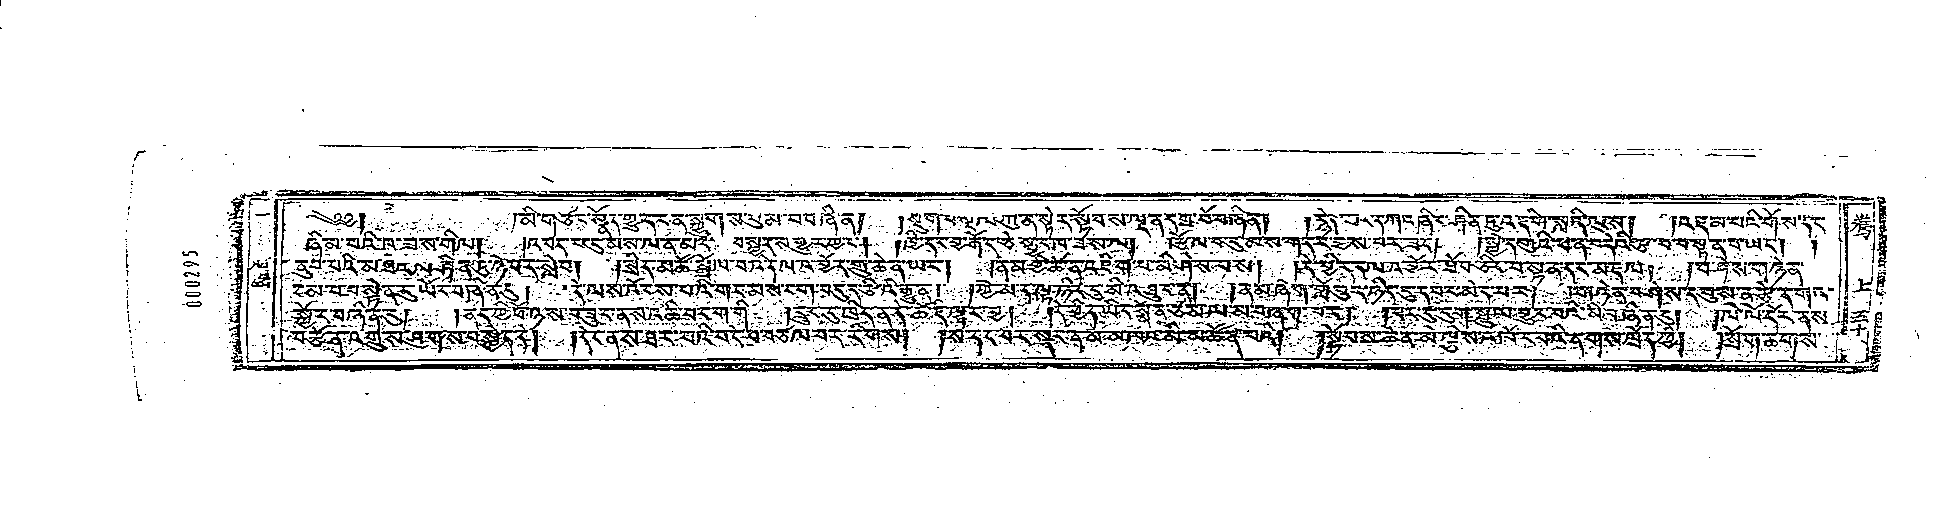༄༅། །མི་གཙང་སྣོད་གྱུར་ངན་སྐྱུགས་བུམ་པ་བཞིན། །སྡུག་བསྔལ་ཀུན་སྟེར་སྟོབས་ལྡན་དགྲ་བོ་བཞིན། །རྙེད་པར་དཀའ་ཞིང་ཤིན་ཏུ་འཇིག་སླའི་ལུས། །འཇམ་པའི་གོས་དང་
ཞིམ་བའི་ཁ་ཟས་གིས། །འབད་པ་དུ་མས་ལན་མང་བསྐྱར་ས་གྱུར་ཀྱང་། །ཁྱི་དང་བྱ་རྒོད་ཅེ་སྤྱད་ཁ་ཟས་ལ། །རྩོལ་བ་དུ་མས་གདར་བྱས་པར་ཟང་། །སྐྱེ་དགུའི་ཕན་བདེའི་རྩ་བ་བསྟན་པ་ཡང་། །
ནུབ་པའི་མཐའ་ལ་ཤིན་ཏུ་ཉེ་བར་སླེབ། །སྲིད་མཚོ་སྒྲོལ་བའི་དལ་འབྱོར་གྲུ་ཆེན་ཡང་། །ནམ་གྱི་ཚེ་ན་འཇིག་པ་མི་ཤེས་པས། །དེ་ཕྱིར་དལ་འབྱོར་ཐོབ་ཅིང་བསྟན་དང་མཇལ། །བཤེས་གཉེན་དམ་པ་བསྟེན་དུ་ཡོད་བཞིན་དུ། །དེ་ལས་འོངས་པའི་གདམས་ངག་བདུད་རྩིའི་རྒྱུན། །ཀྱེ་མ་ད་ལྟ་ཉིད་དུ་མི་འཐུང་ན། །ནམ་ཞིག་བློ་བུར་ཉིད་དུ་དབང་མེད་པར། །གཉེན་བཤེས་དབུས་ན་རྩེ་དགའ་
སྐྱོང་བཞིན་དུ། །ནད་ཀྱི་ཕོ་ཉས་བཟུང་ནས་འཆི་བདག་གི །དྲུང་དུ་ཁྲིད་ན་དེ་ཚེ་ཇི་ལྟར་བྱ། །དེ་ཕྱིར་ཡིད་སྨོན་ཙམ་ལ་མ་བཞག་པར། །པང་དུ་དུག་སྤྲུལ་བྱུང་བའི་མི་བཞིན་དུ། །ལེ་ལོ་དོར་ནས་
བརྩོན་འགྲུས་ཤུགས་བསྐྱེད་དེ། །དེང་ནས་ཐར་པའི་བདེ་བ་བཙལ་བར་རིགས། །ས་དང་བར་སྣང་ནམ་མཁའ་མི་མཚོན་པའི། །སྟོབས་ཆེན་མེ་ལྕེས་འཁོར་བའི་ནགས་ཁྲོད་ཀྱི། །སྲོག་ཆགས་